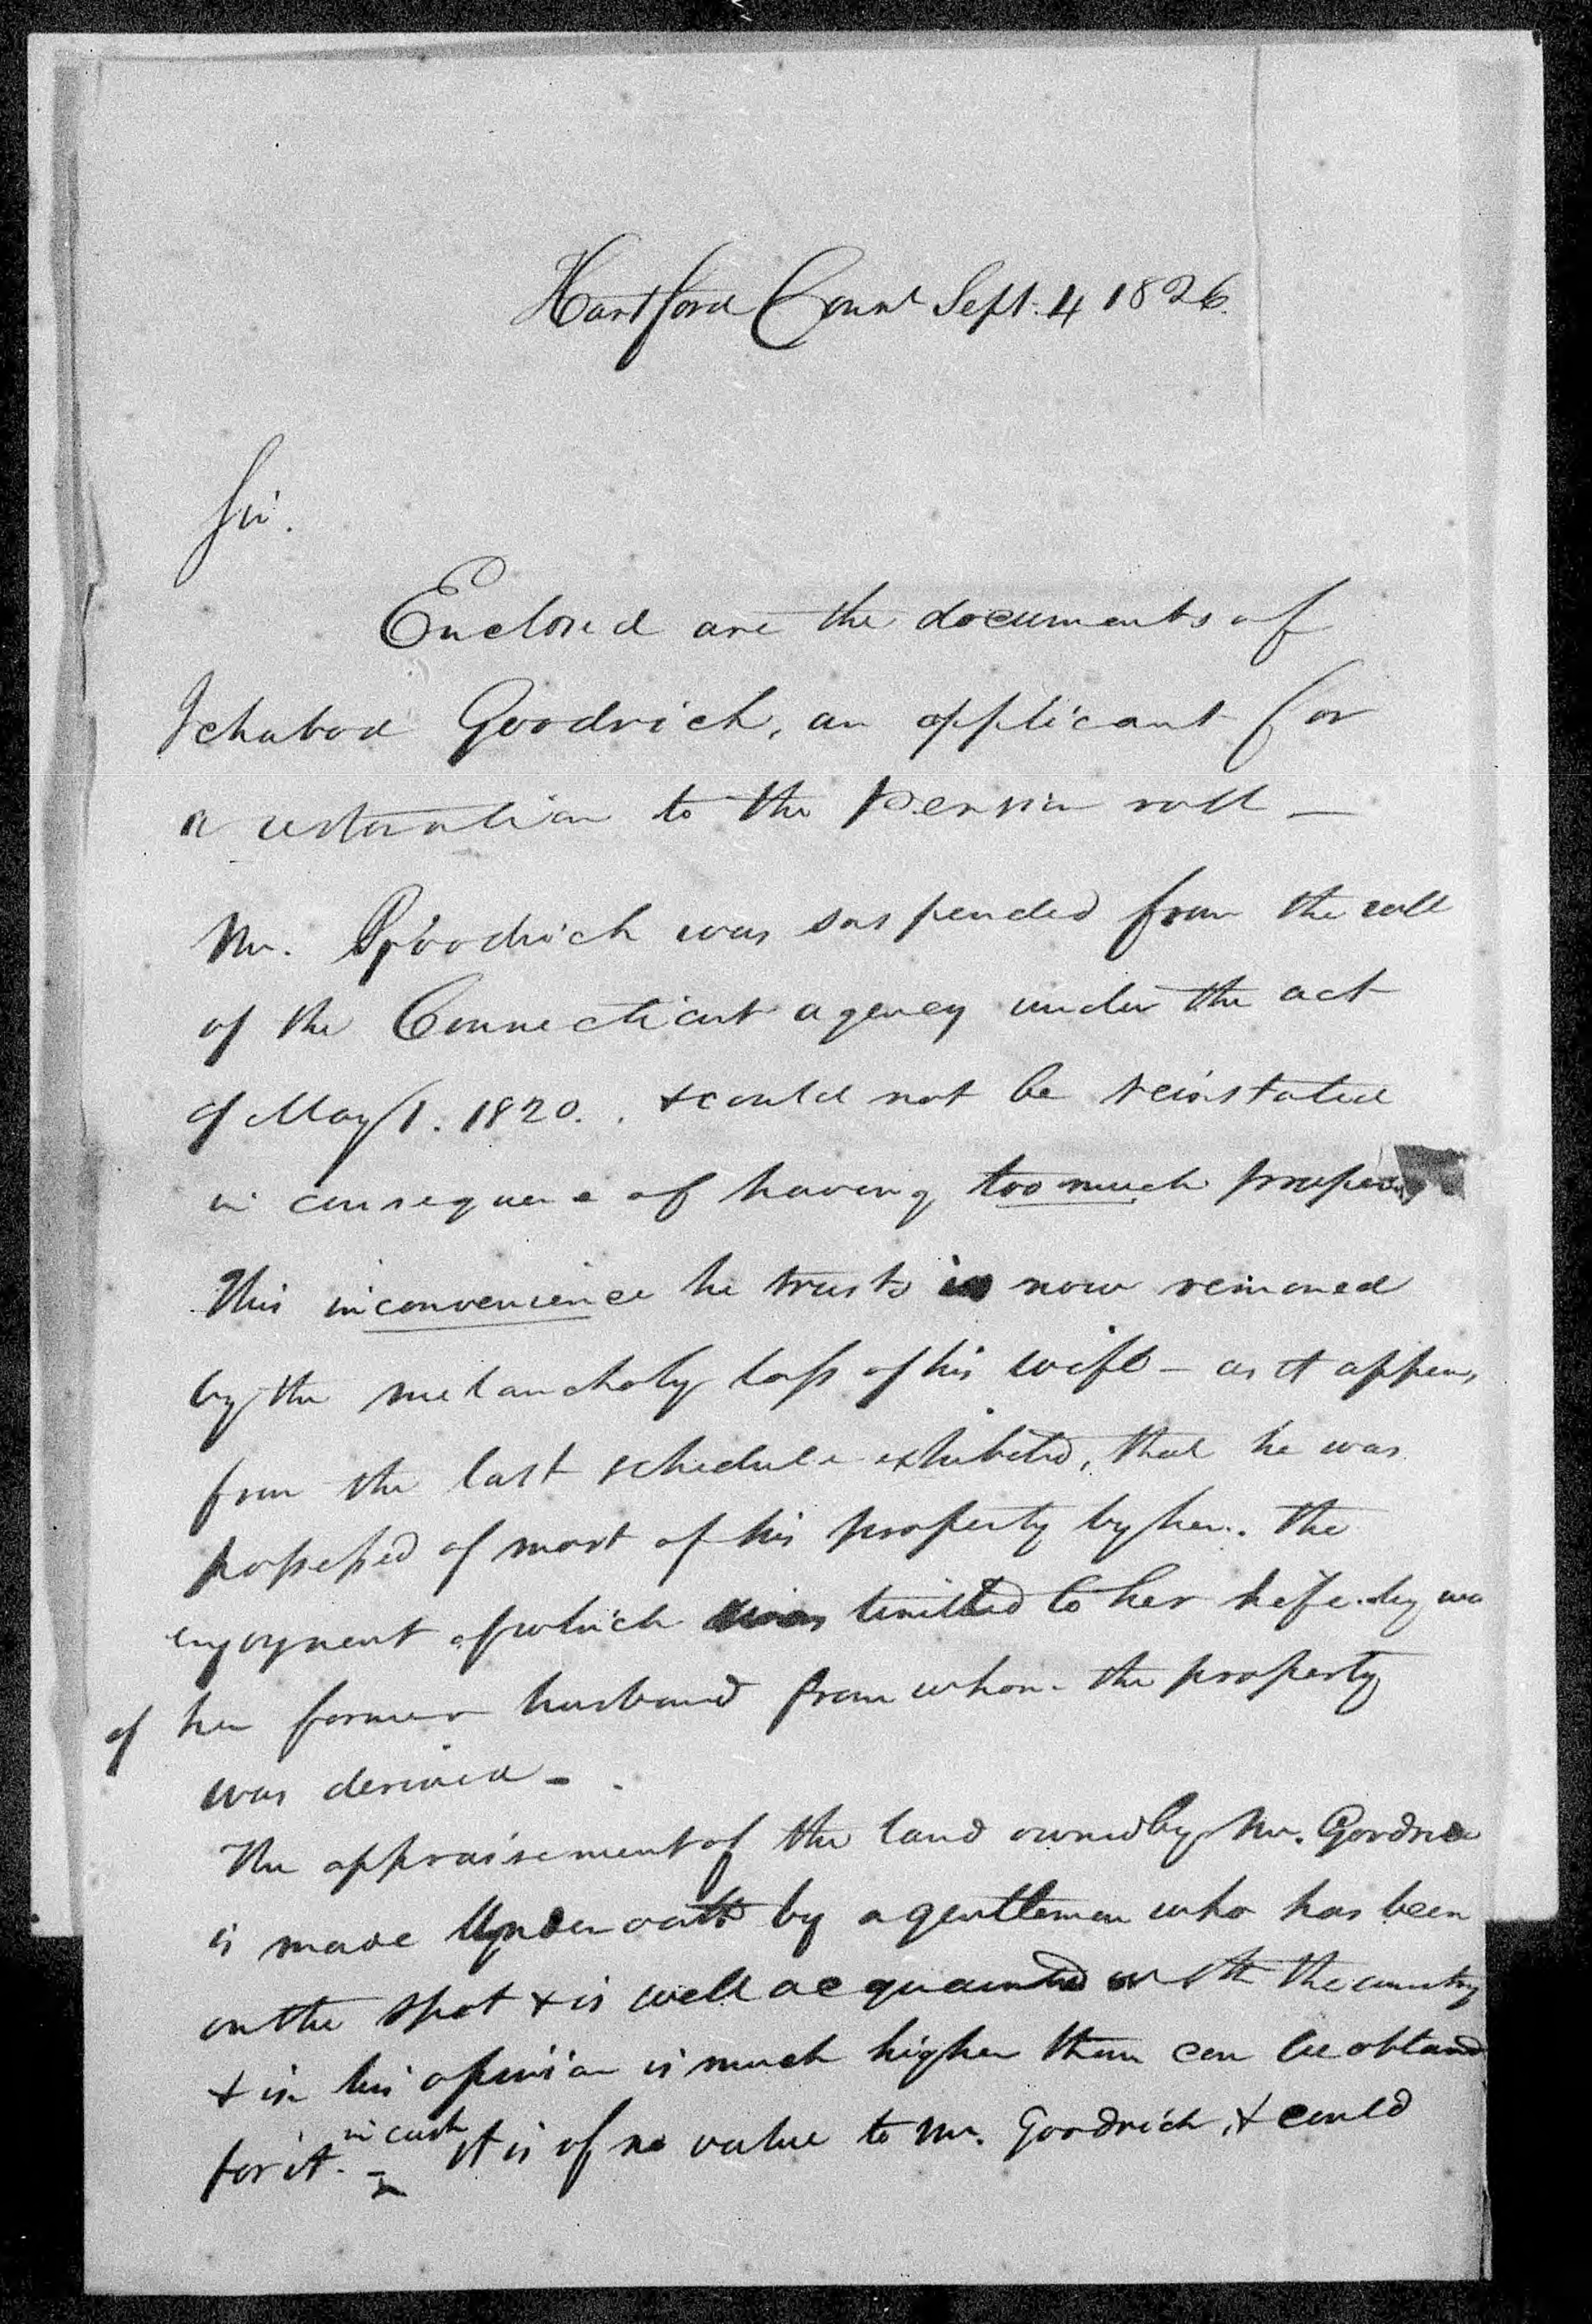Hartford Connt Sept 4, 1826

Sir
Enclosed are the documents of Ichabod Goodrich, an applicant for a restoration to the pension roll.

Mr. Goodrich was suspended from the roll of the Connecticut agency under the act of May 1, 1820 & could not be reinstated in consequence of having too much property.

This inconvenience he trusts is now remaned by the melancholy loss of his wife - as it appears from the last schedule exhibited, that he was possessed of most of his property by her. The enjoyment of which benefited to her [illegible] was of her former husband from whom the property was derived.

The appraisement of the land owned by Mr. Goodrich made under oath by a gentleman who has been on the lot & is well acquainted with the country & in his opinion is much higher than can be obtained for it. In cash, it is of no value to Mr. Goodrich & could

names: Goodrich, Goodrich, Ichabod Goodrich, Goodrich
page: 29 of 46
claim: survivor's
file: S. 36,556, Ichabod Goodrich, Conn.